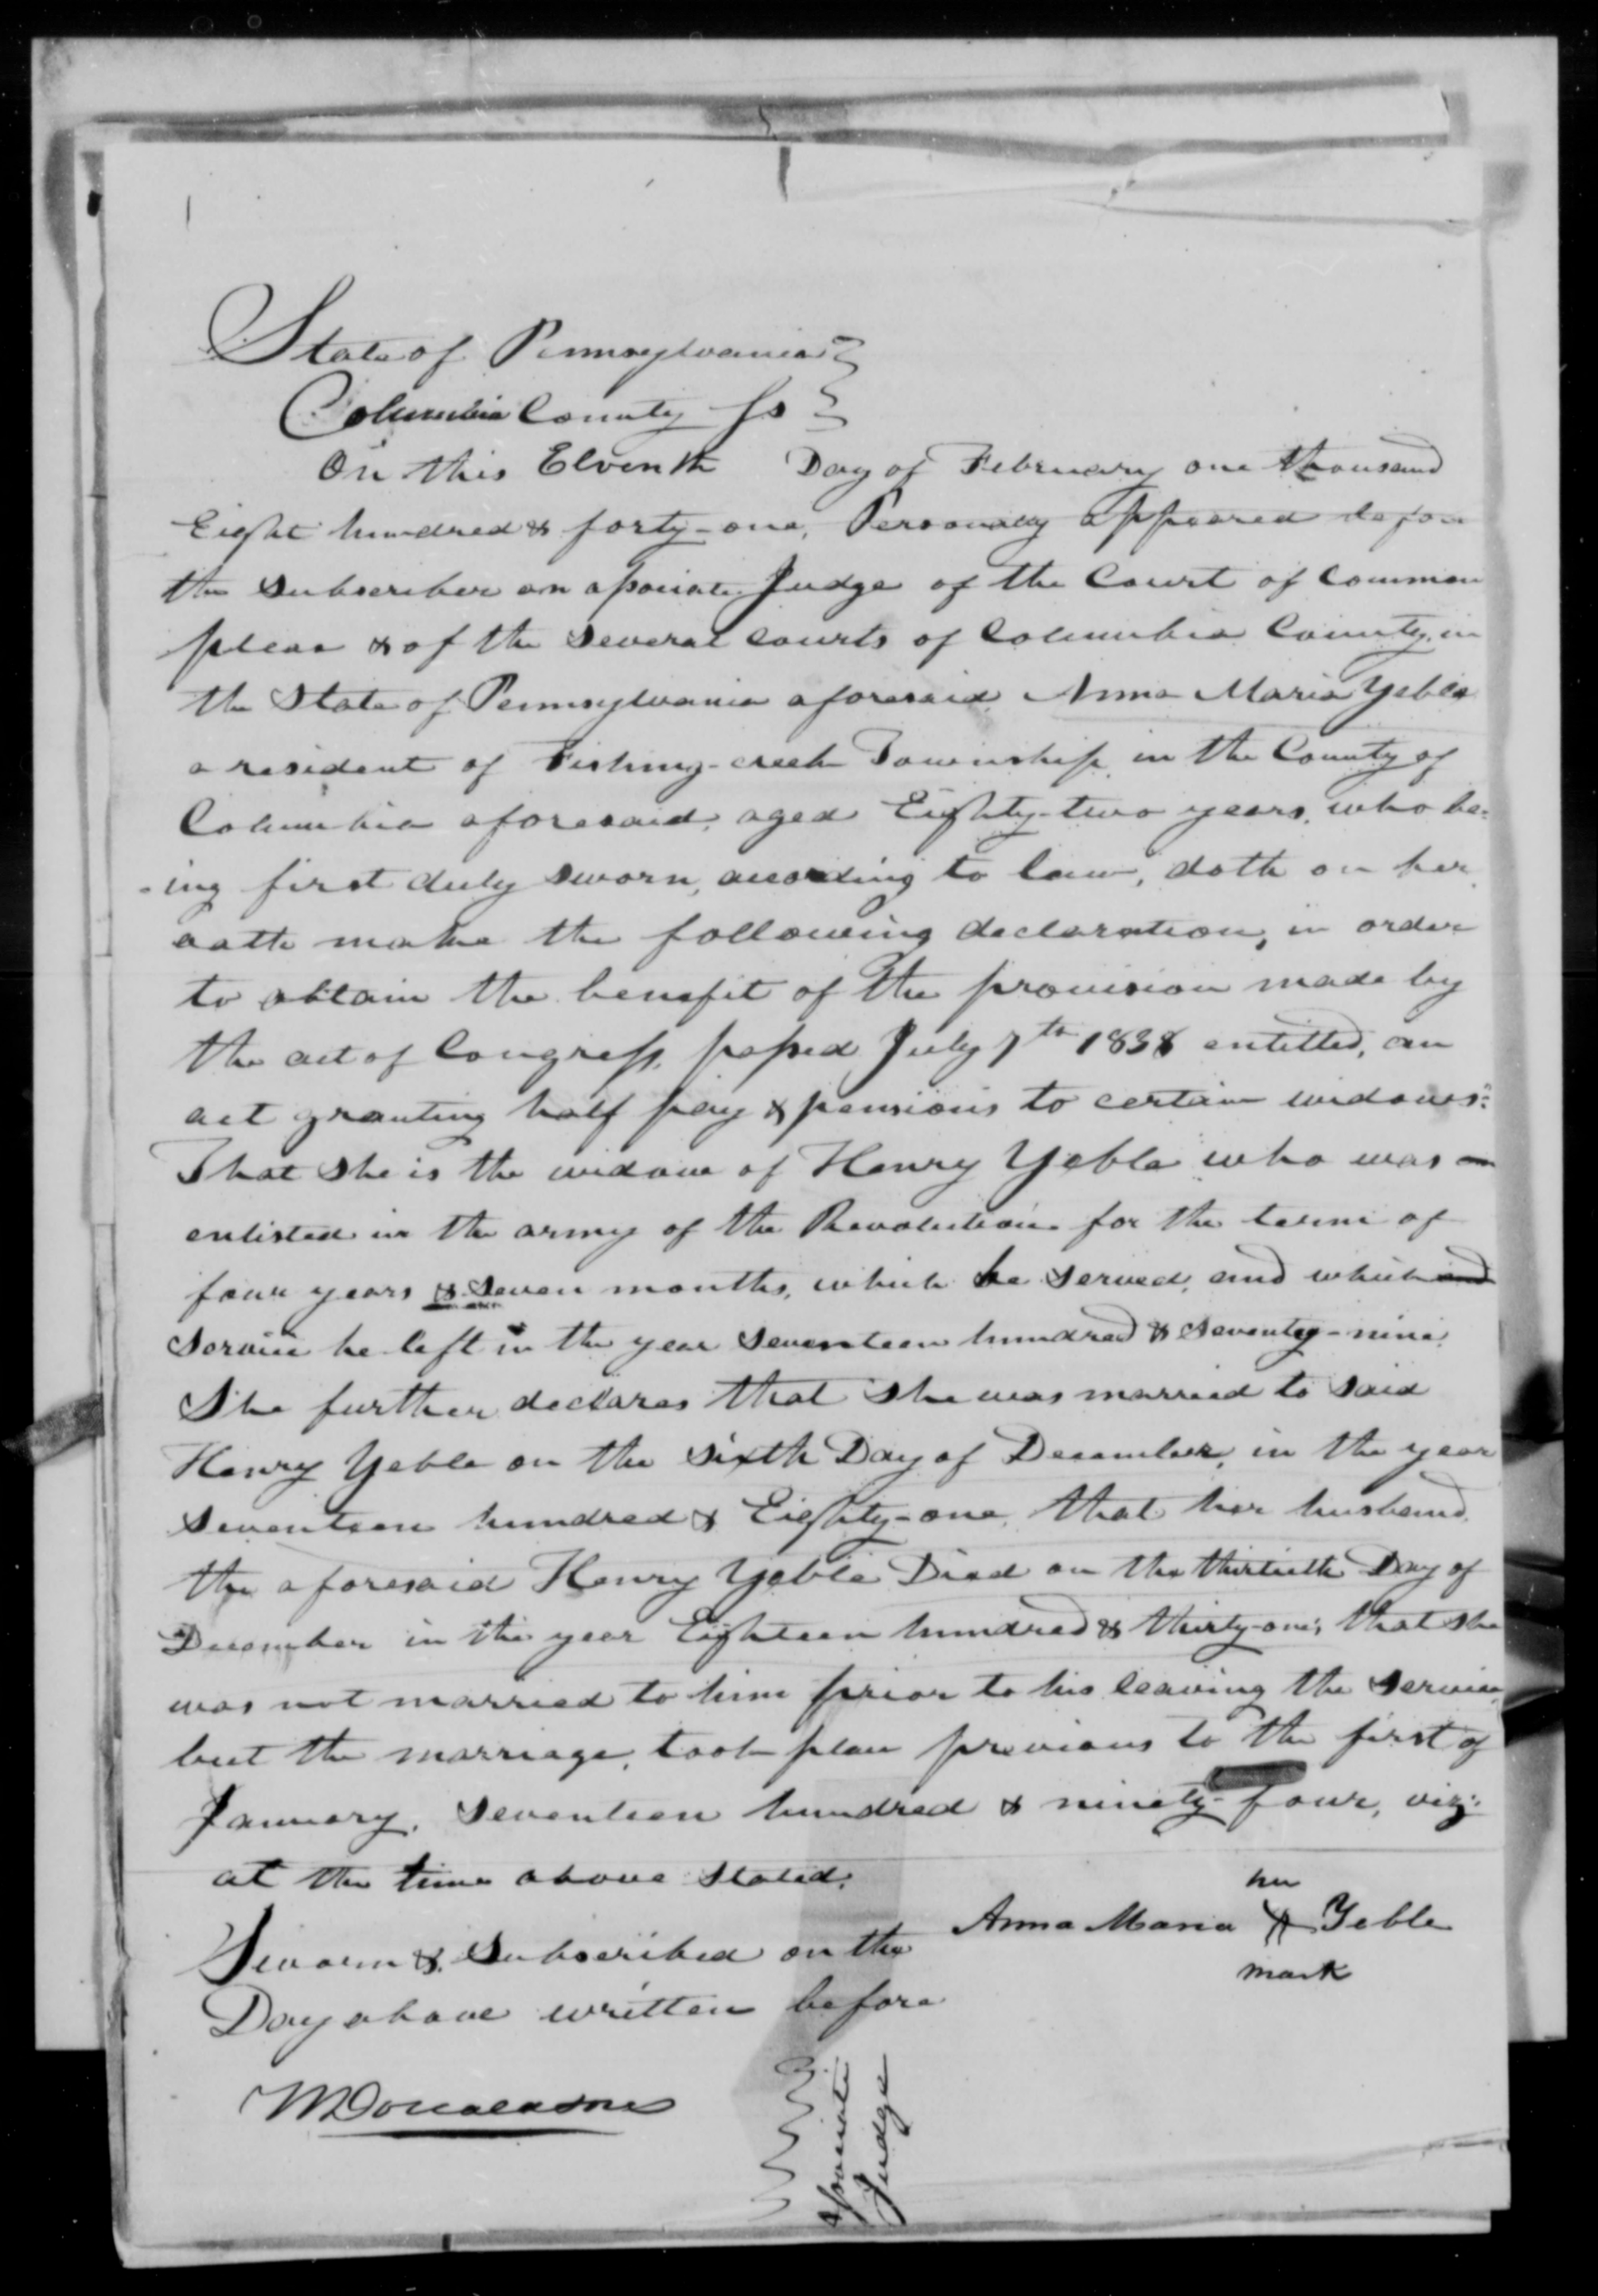State of Pennsylvania 
Columbia County Ss
On this eleventh Day of February one thousand eight hundred and forty-one, personally appeared before the subscriber an associate judge of the Court of Common Please and of the several courts of Columbia County, in the State of Pennsylvania aforesaid Anna Maria Yeble, a resident of Fishing Creek Township in the County of Columbia aforesaid, aged eighty two years who being first duly sworn, according to law, doth on her oath make the following declaration, in order to obtain the benefit of the provision made by the act of Congress [illegible] July 7th 1838 entitled, an act granting half pay and pensions to certain widows; That she is the widow of Henry Yeble who was enlisted in the army of the Revolution for the term of four years and seven months, which he served, and which service he left in the year seventeen hundred and seventy nine. She further declares that she was married to said Henry Yeble on the sixth day of December, in the year seventeen hundred and eighty one that her husband the aforesaid Henry Yeble died on the thirtieth day of December in the year eighteen hundred and thirty one; that she was not married to him prior to his leaving the service, but the marriage took place previous to the first of January seventeen hundred and ninety four, [illegible] at the time above stated. 
Sworn and subscribed on the day above written before WDonaldson associate judge
Anna Maria Yeble
A (her mark)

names: Anna Maria Yeble, W Donaldson, Henry Yeble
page: 5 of 75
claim: widow's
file: W. 3326, Henry Yebel, Continental (Penn.)